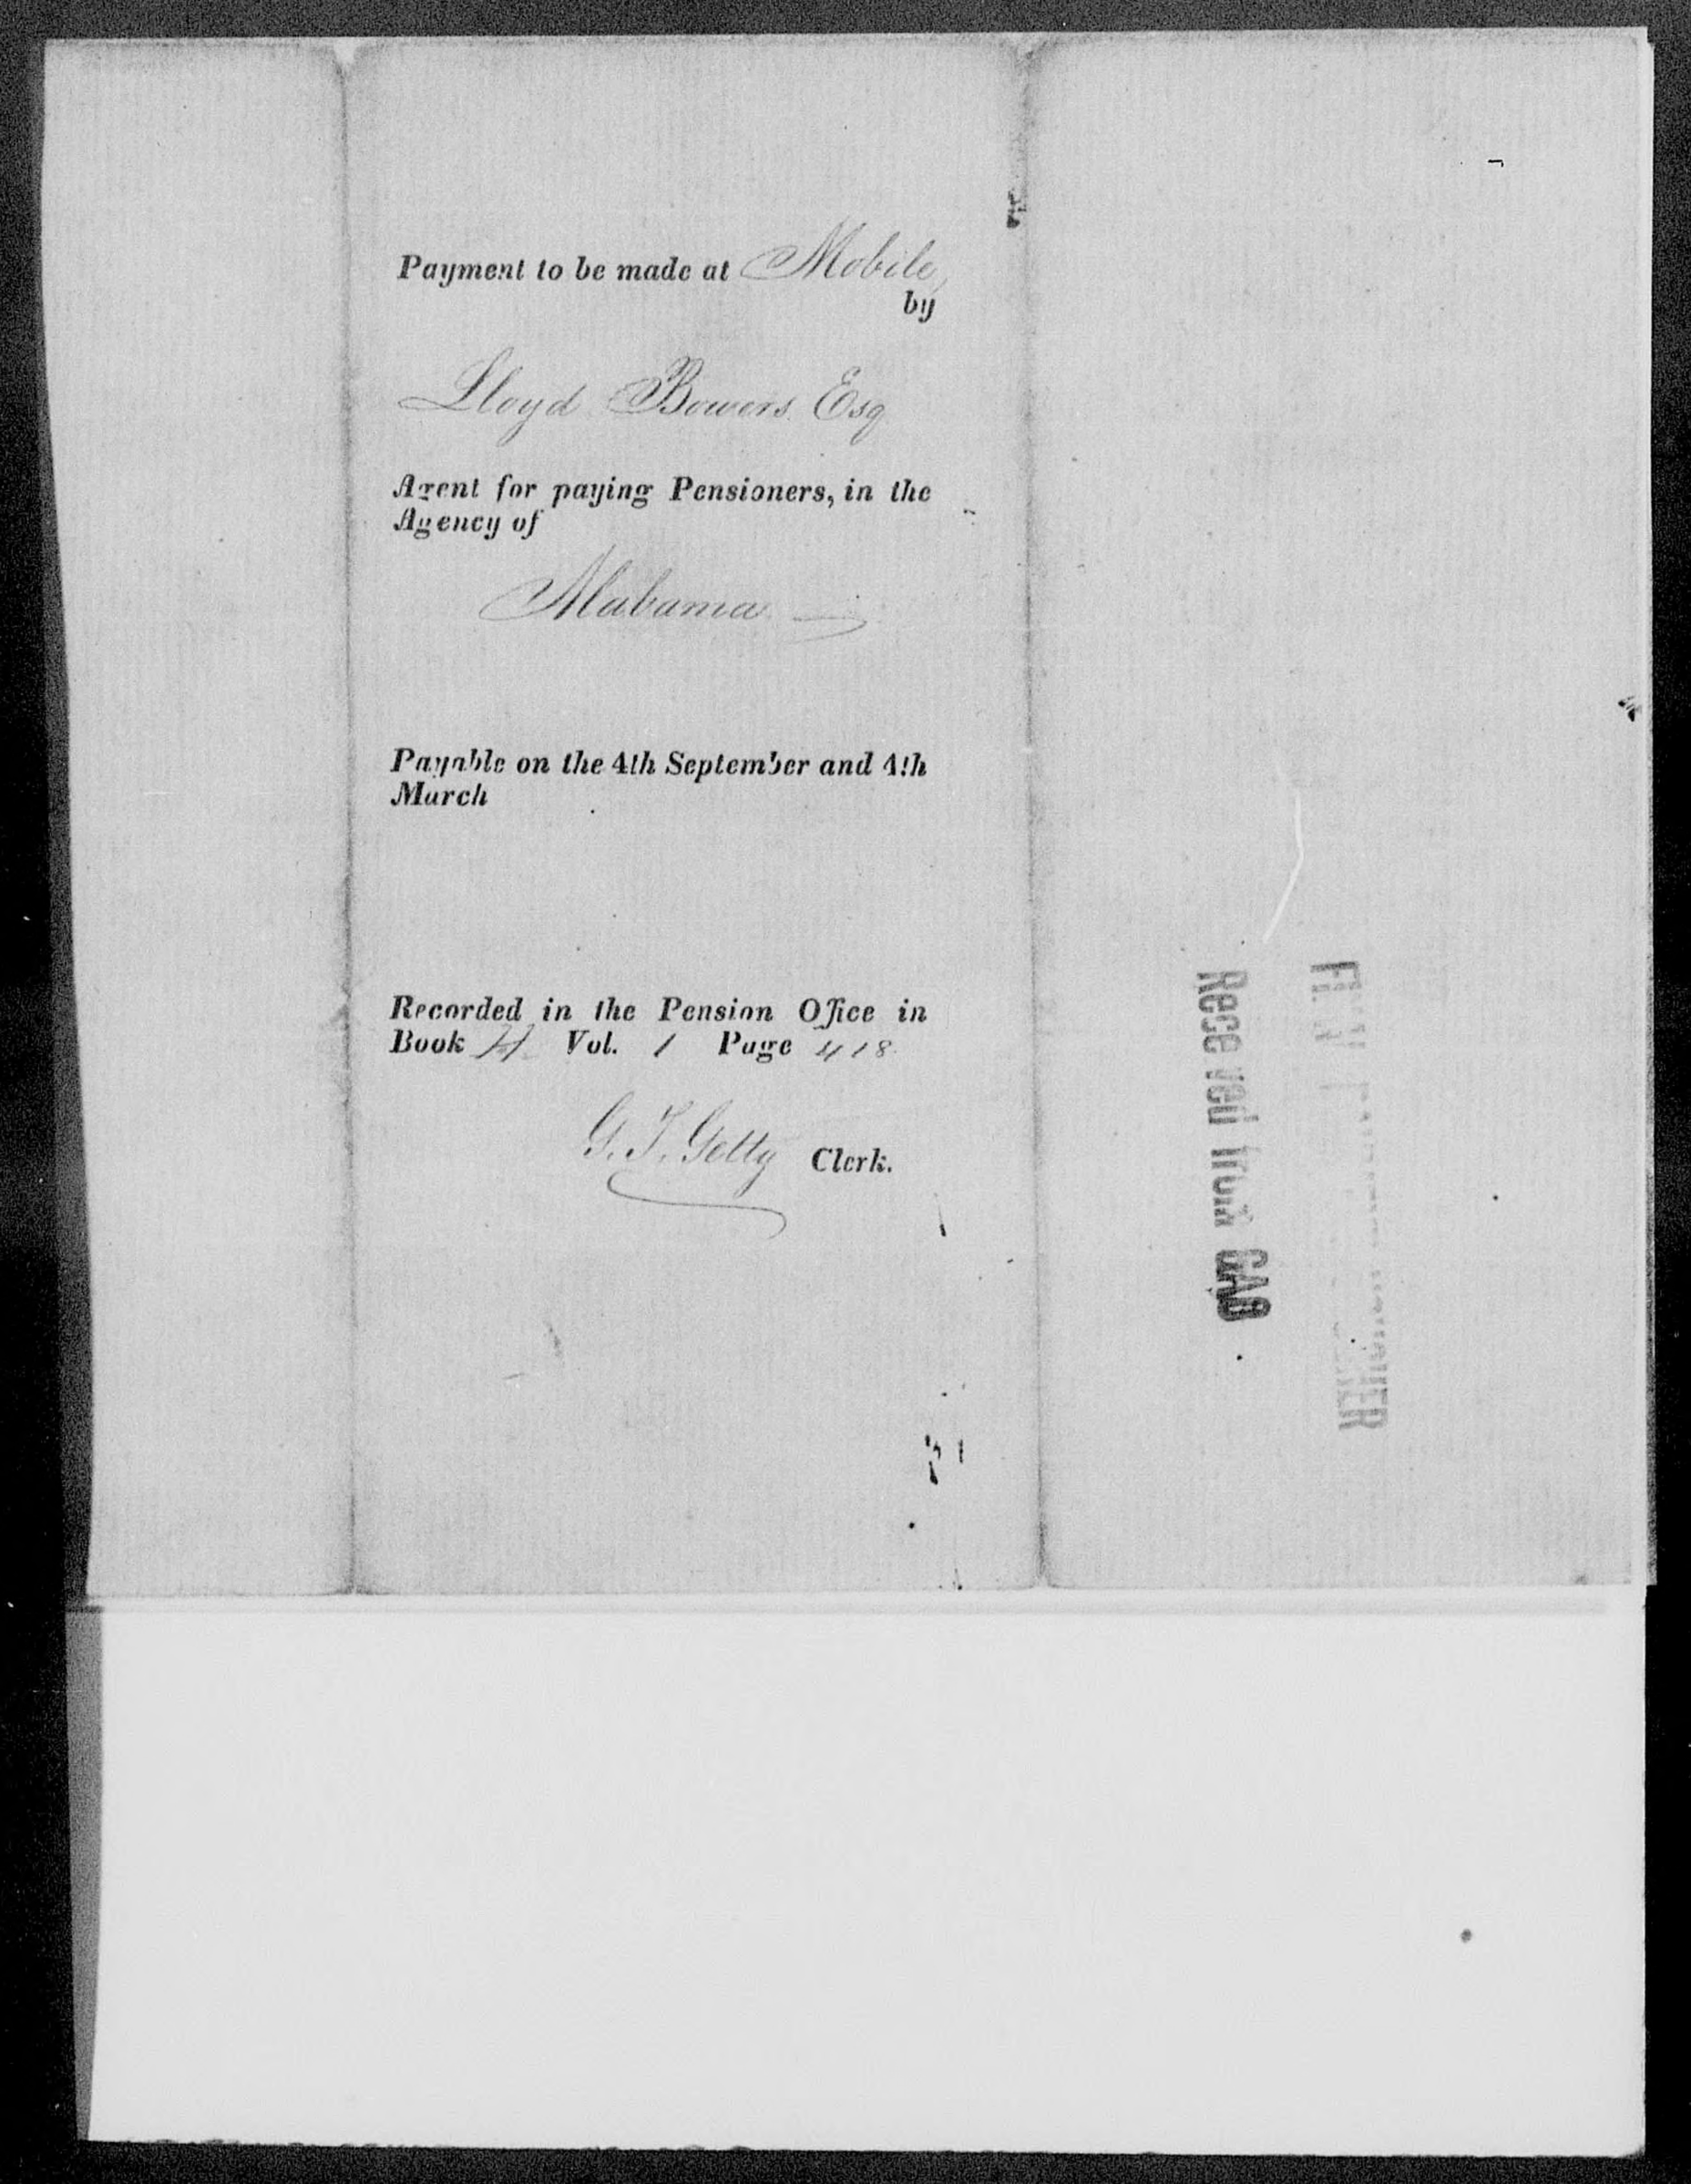[left side of page]
Payment to be made at Mobile by
Lloyd Bowers Esq
Agent for Paying Pensioners, in the 
Agency of
Alabama

Payable on the 4th September and 4th
March

Recorded in the Pension Office in 
Book H. Vol. 1  Page 418

G.T. Getty Clerk


[right side of page]

Illegible
Received from GAO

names: G T Getty, Lloyd Bowers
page: 66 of 86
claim: widow's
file: W. 6899, James Carrell, N.C.